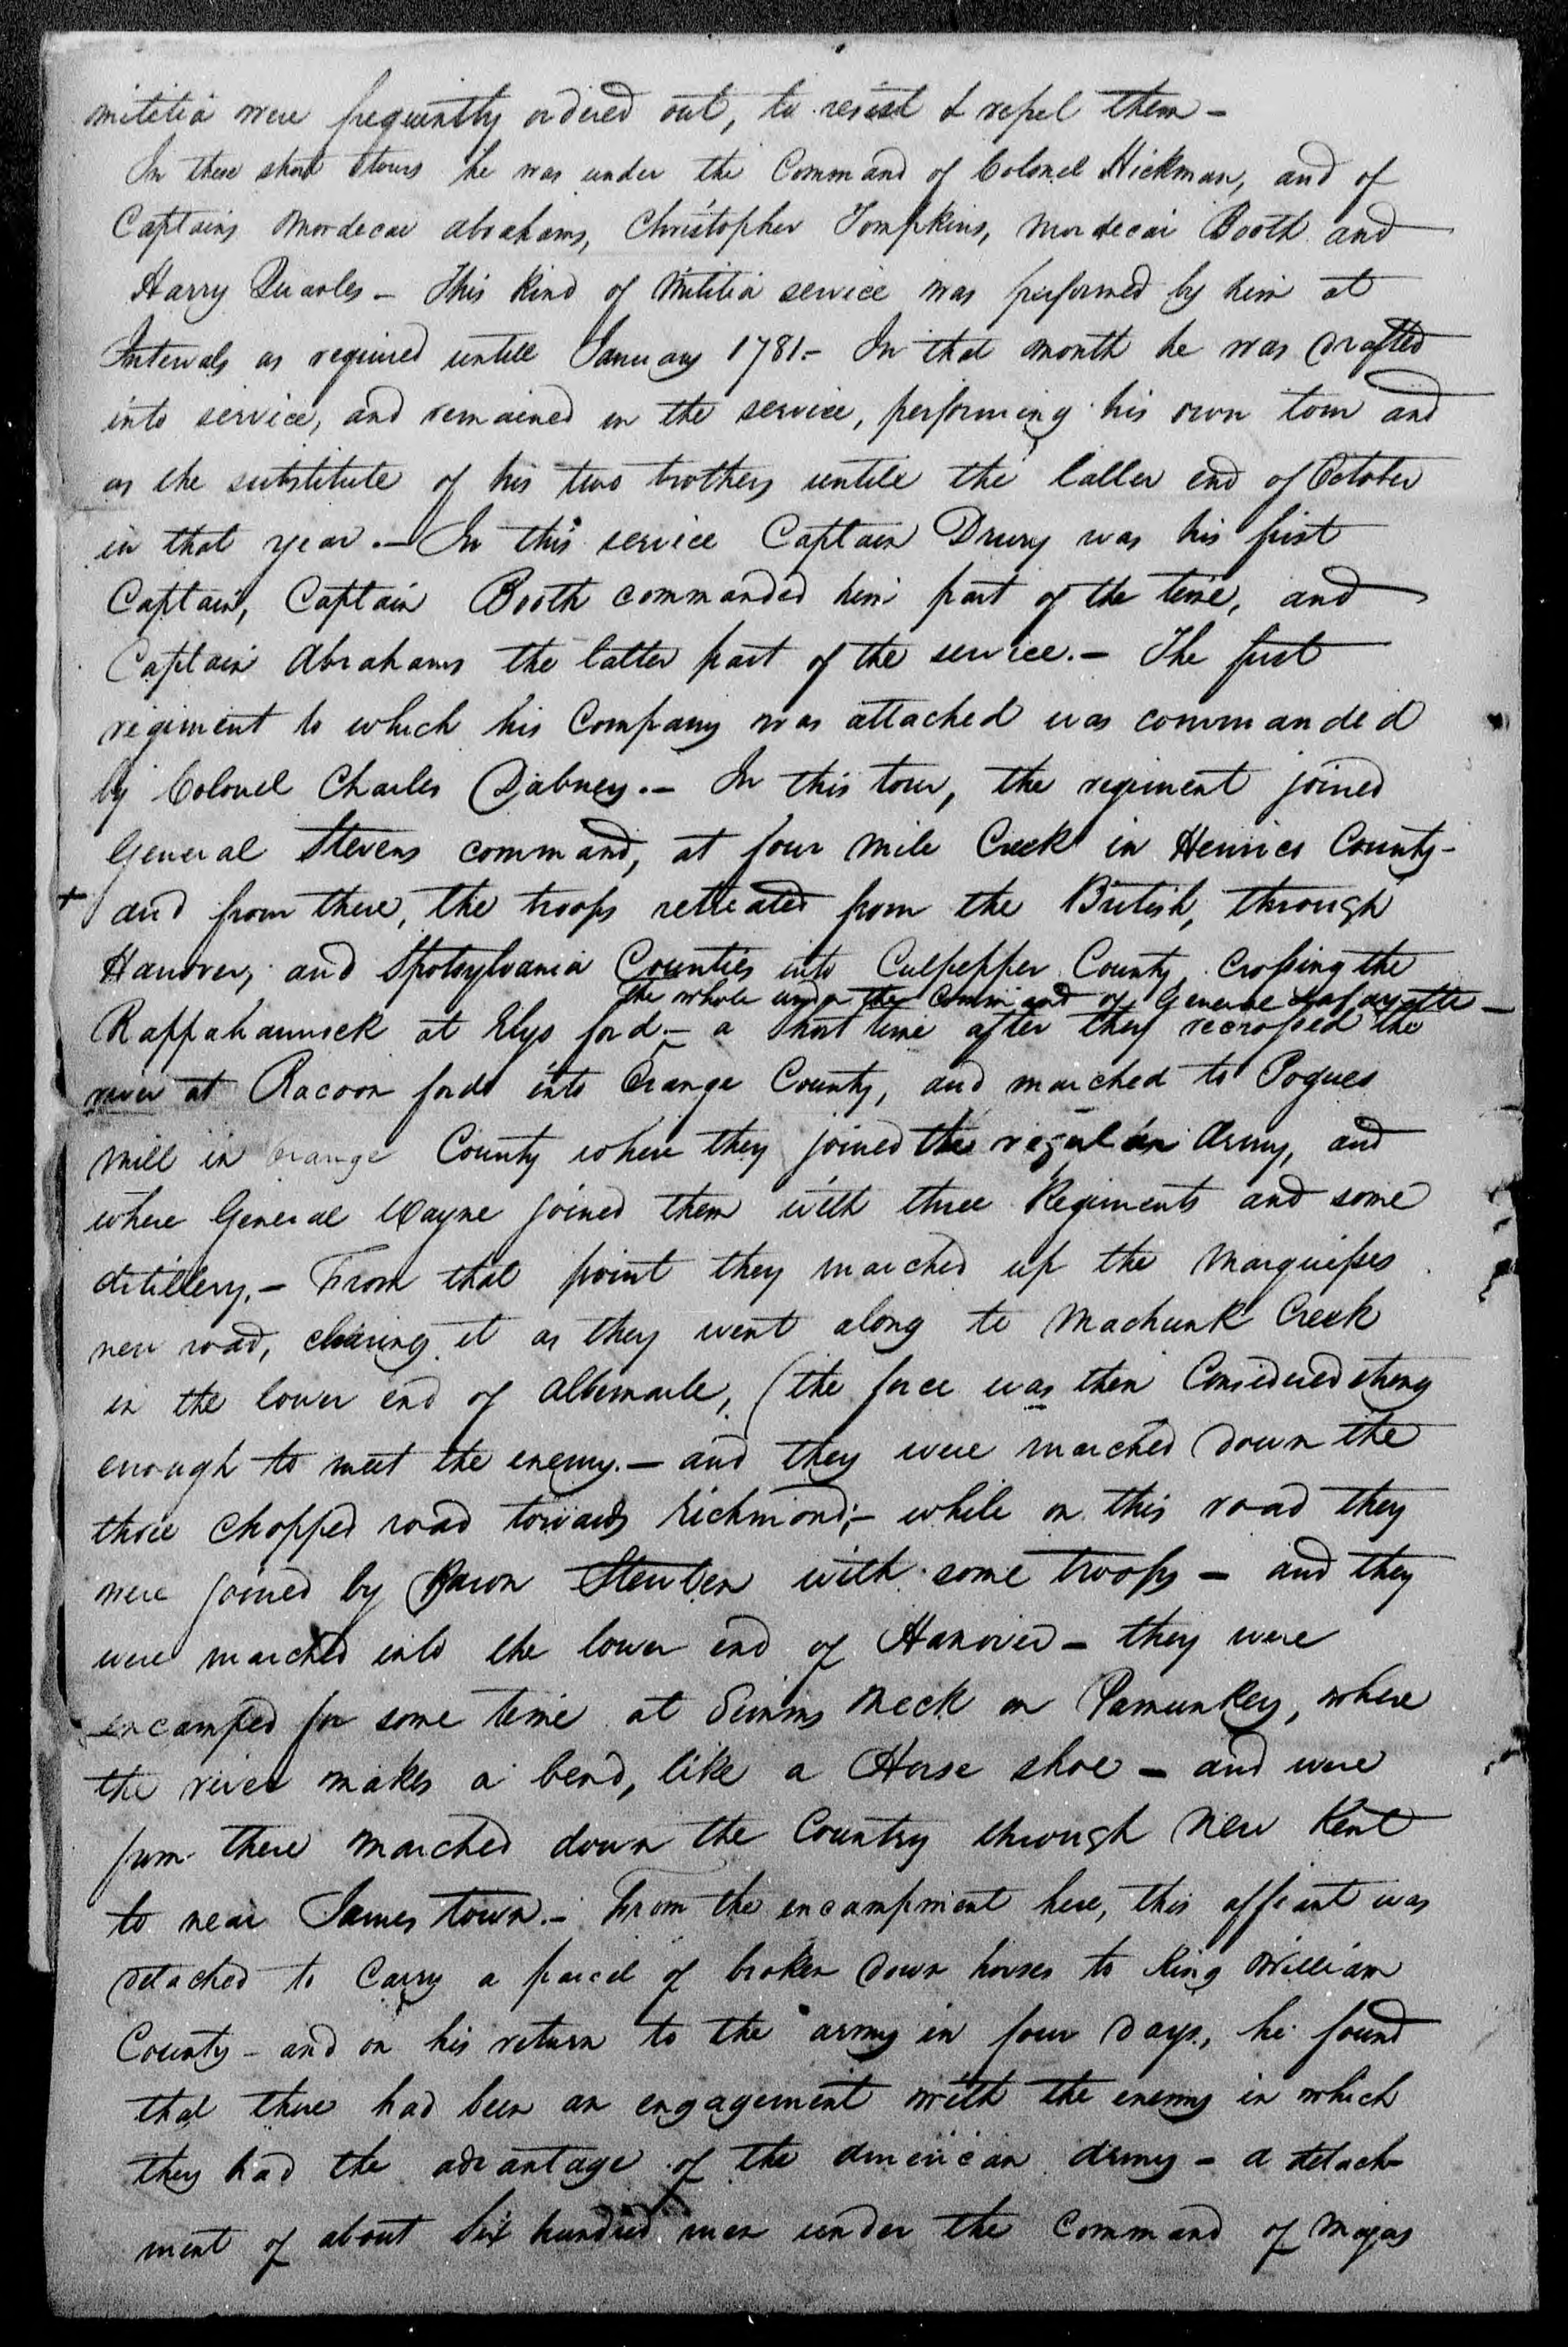militia were frequently ordered out, to resist & repel them- In these short tours he was under the command of Colonel Hickman, and of Captain Mordecai Abrahams, Christopher Tompkins, Mordecai Booth and Harry Quarles - This kind of militia service was performed by him at Intervals as required untill January 1781. In that month he was drafted into service, and remained in the service, performing his own tour and as the substitute of his two brothers untill the latter end of October in that year. In this service Captain Drury was his first Captain, Captain Booth commanded him part of the time, and Captain Abraham the latter part of the service. The first regiment to which his company was attached was commanded by Colonel Charles Dabney. In this tour, the regiment joined General Stevens command, at four mile creek in Henrico County and from there, the troops retreated from the British, through Hanover, and Spotsylvania Counties into Culpeper County crossing the Rappahannock at Elys for the whole time under the command of General aLafayette - a short time after they recrossed the river at Racoon Ford into Orange County, and marched to Pogues Mill in Orange County when they joined the regular Army, and where General Wayne joined them with three Regiments and some artillery. From that point they marched up the Marquisses new road, clearing it as they went along to Machunk Creek in the lower end of Albemarle, (the force was then considered stong enough to meet the enemy. and they were marched down the three Chopped road towards Richmond; while on this road they were joined by Baron Steuben with some troops-- and they marched into the lower end of Hanover. they were encamped for some time at Simms neck on Pamunkey, where the river makes a bend, like a Horse shoe - and were from there marched down the country through New Kent to near James town. from the encampment here this affiant was detached to carry a parcel of broken down horses to King William County and on his return to the army in four days, he found that there had been an engagement with the enemy in which they had the advantage of the American Army a detachment of about six hundred men under the command of Major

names: Harry Quarles, Pogues, Mordecai Booth, Charles Dabney, James Town, Hanover, Abrahams, Wayne, Aaron Stauber, Mordecai Abrahams, Christopher Tompkins, Drury, Booth, Simms Meck, Stevens, Hickman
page: 4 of 27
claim: survivor's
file: S. 1747, Enoch Breeden, Va.